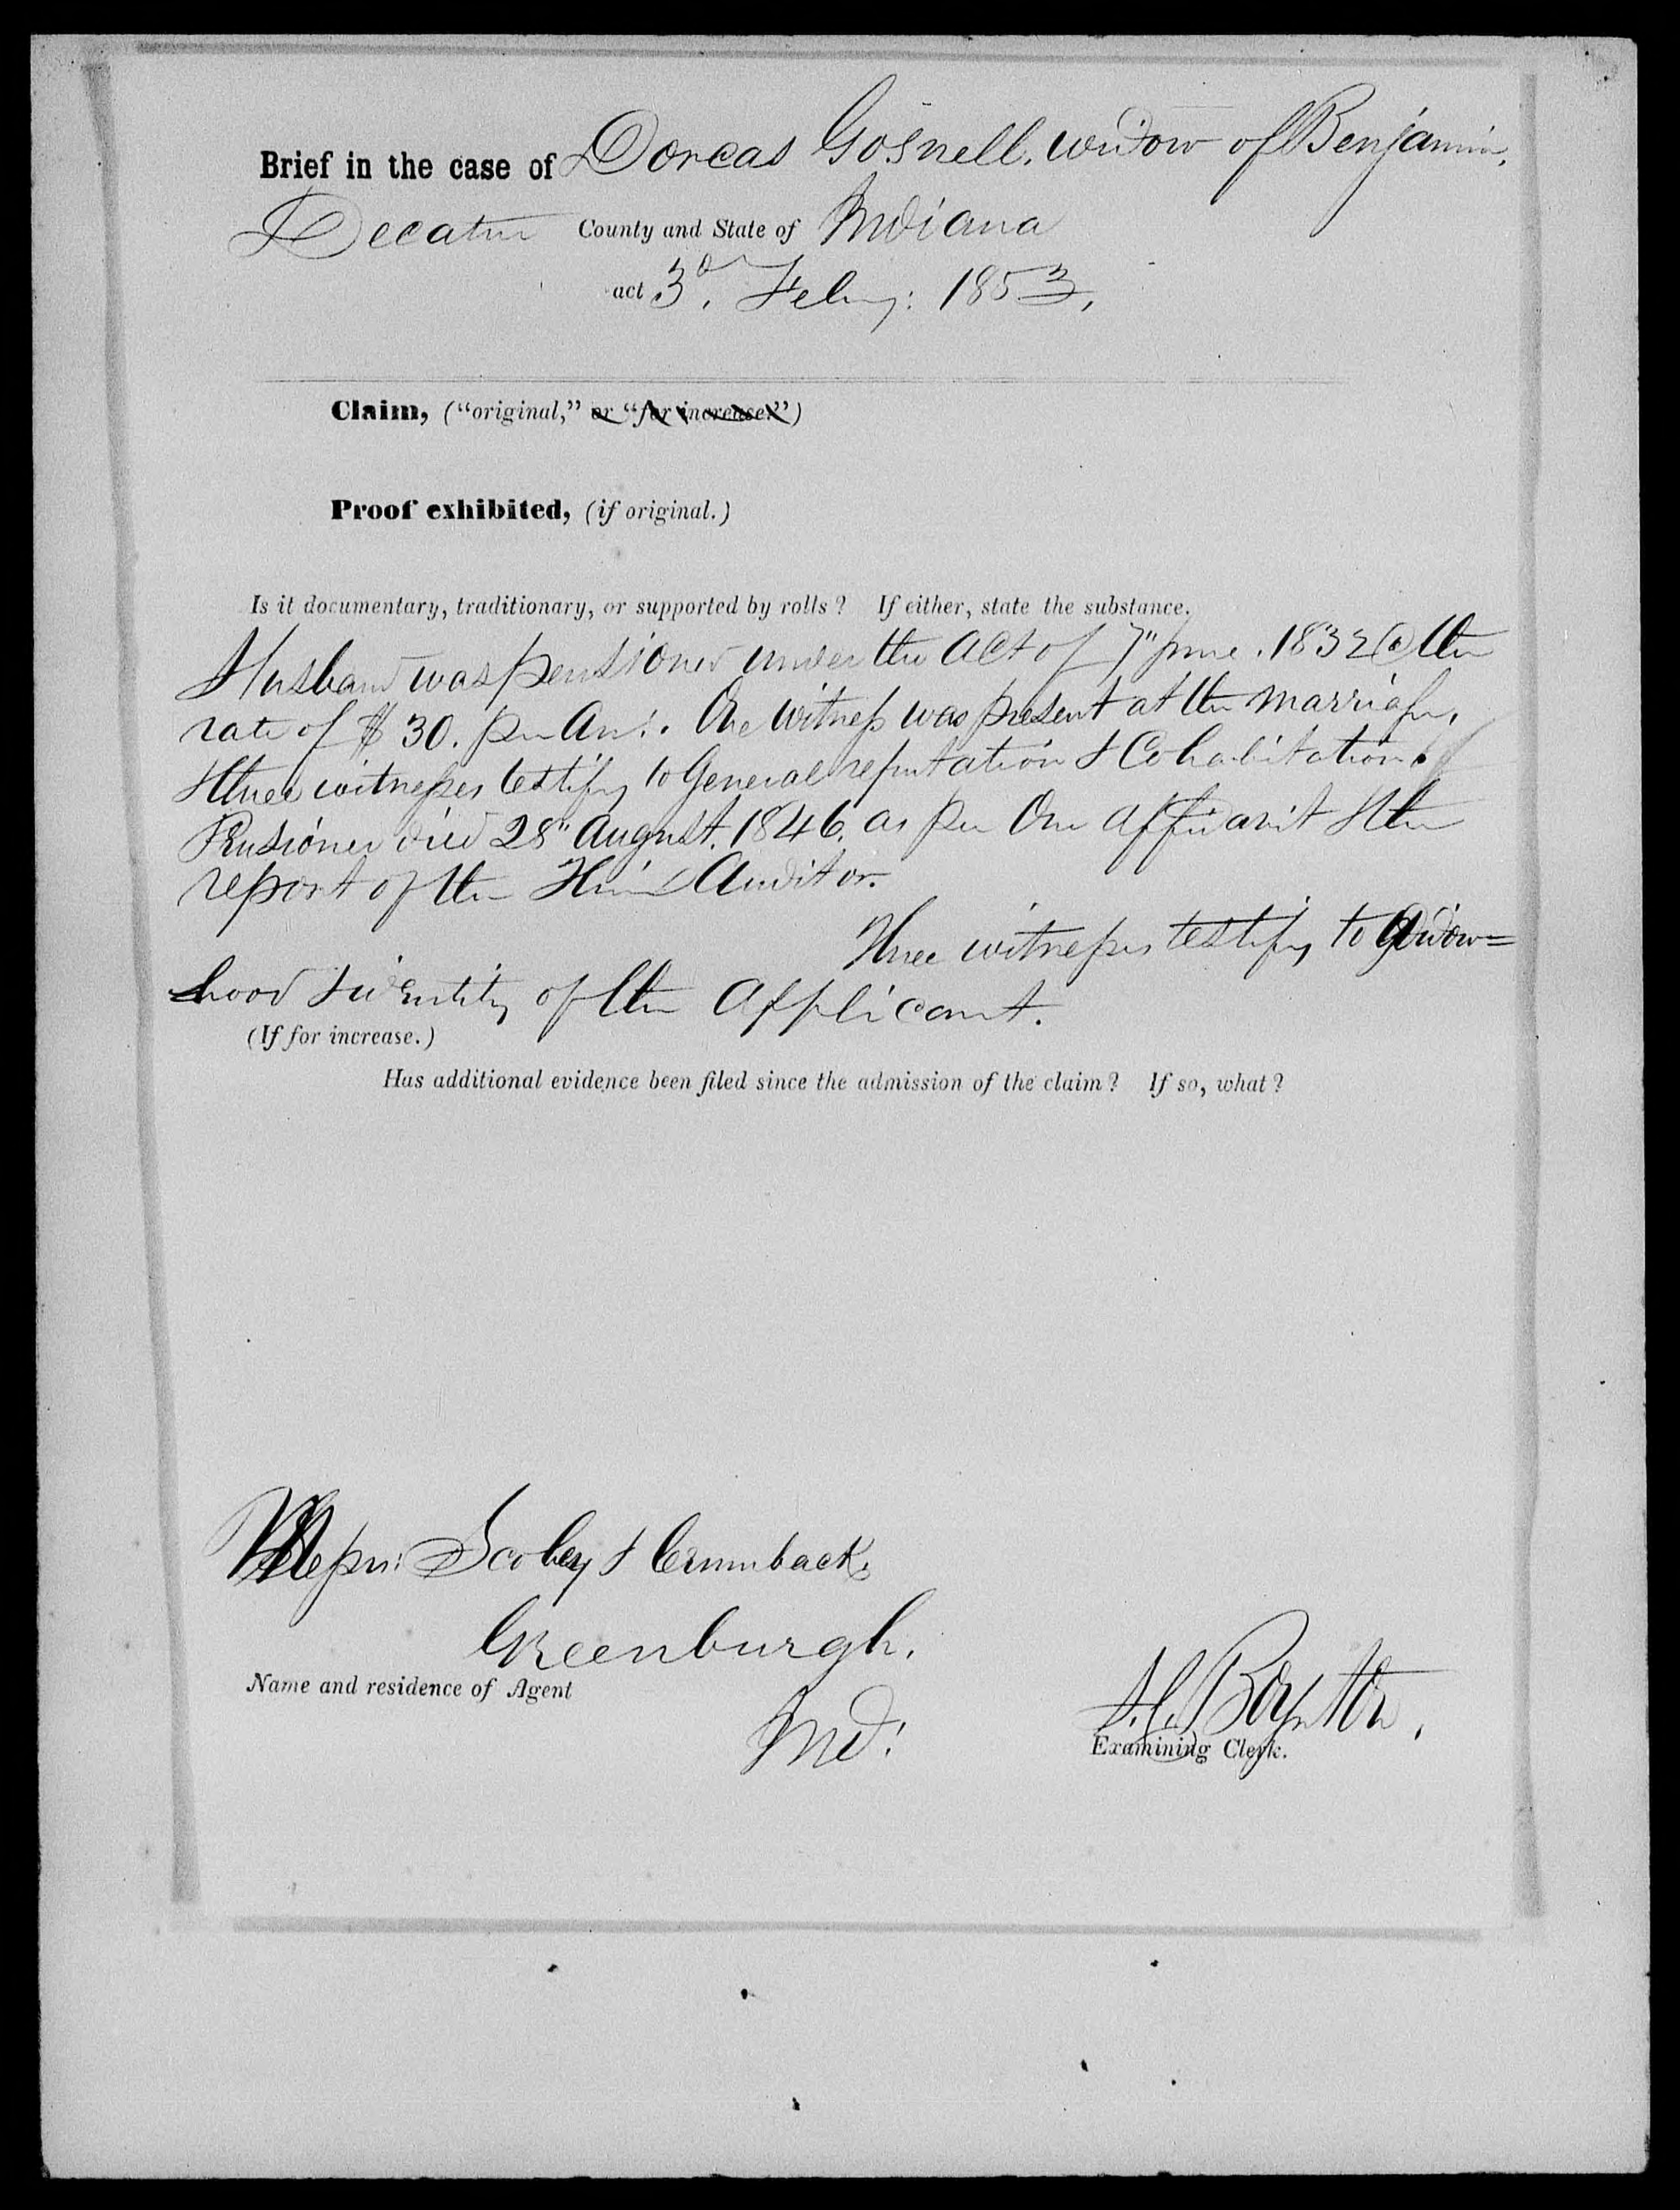Brief in the case of Dorcas Gosnell, widow of Benjamin,
Decatur County and State of Indiana
act 3d Feby: 1853,

Claim, ("original" or "for increase") ['or "for increase"' has been scratched out]
Proof exhibited, (if original.)

Is it documentary, traditionary, or supported by rolls? If either, state the substance.
Husband was pensioner under the Act of 7" June. 1832 @ the rate of $30. Pr An: One witness was present at the marriage, three witnesses testify to General reputation & Cohabitation
Pensioner died 28" August. 1846, as per one affiant then report of the Third Auditor.
Three witnesses testify to Widowhood & Identity of the Applicant.
(If for increase.)
Has additional evidence been filed since the admission of the claim? If so, what?

Messr: Scobey & Crumback
Greenburgh, Ind:
Name and residence of Agent

S C Boynton.
Examining Clerk.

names: S C Boynton, Dorcas Gosnell, Scobey, Crumback, Benjamin Gosnell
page: 32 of 39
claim: widow's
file: W. 11060, Benjamin Gosnell, Va.